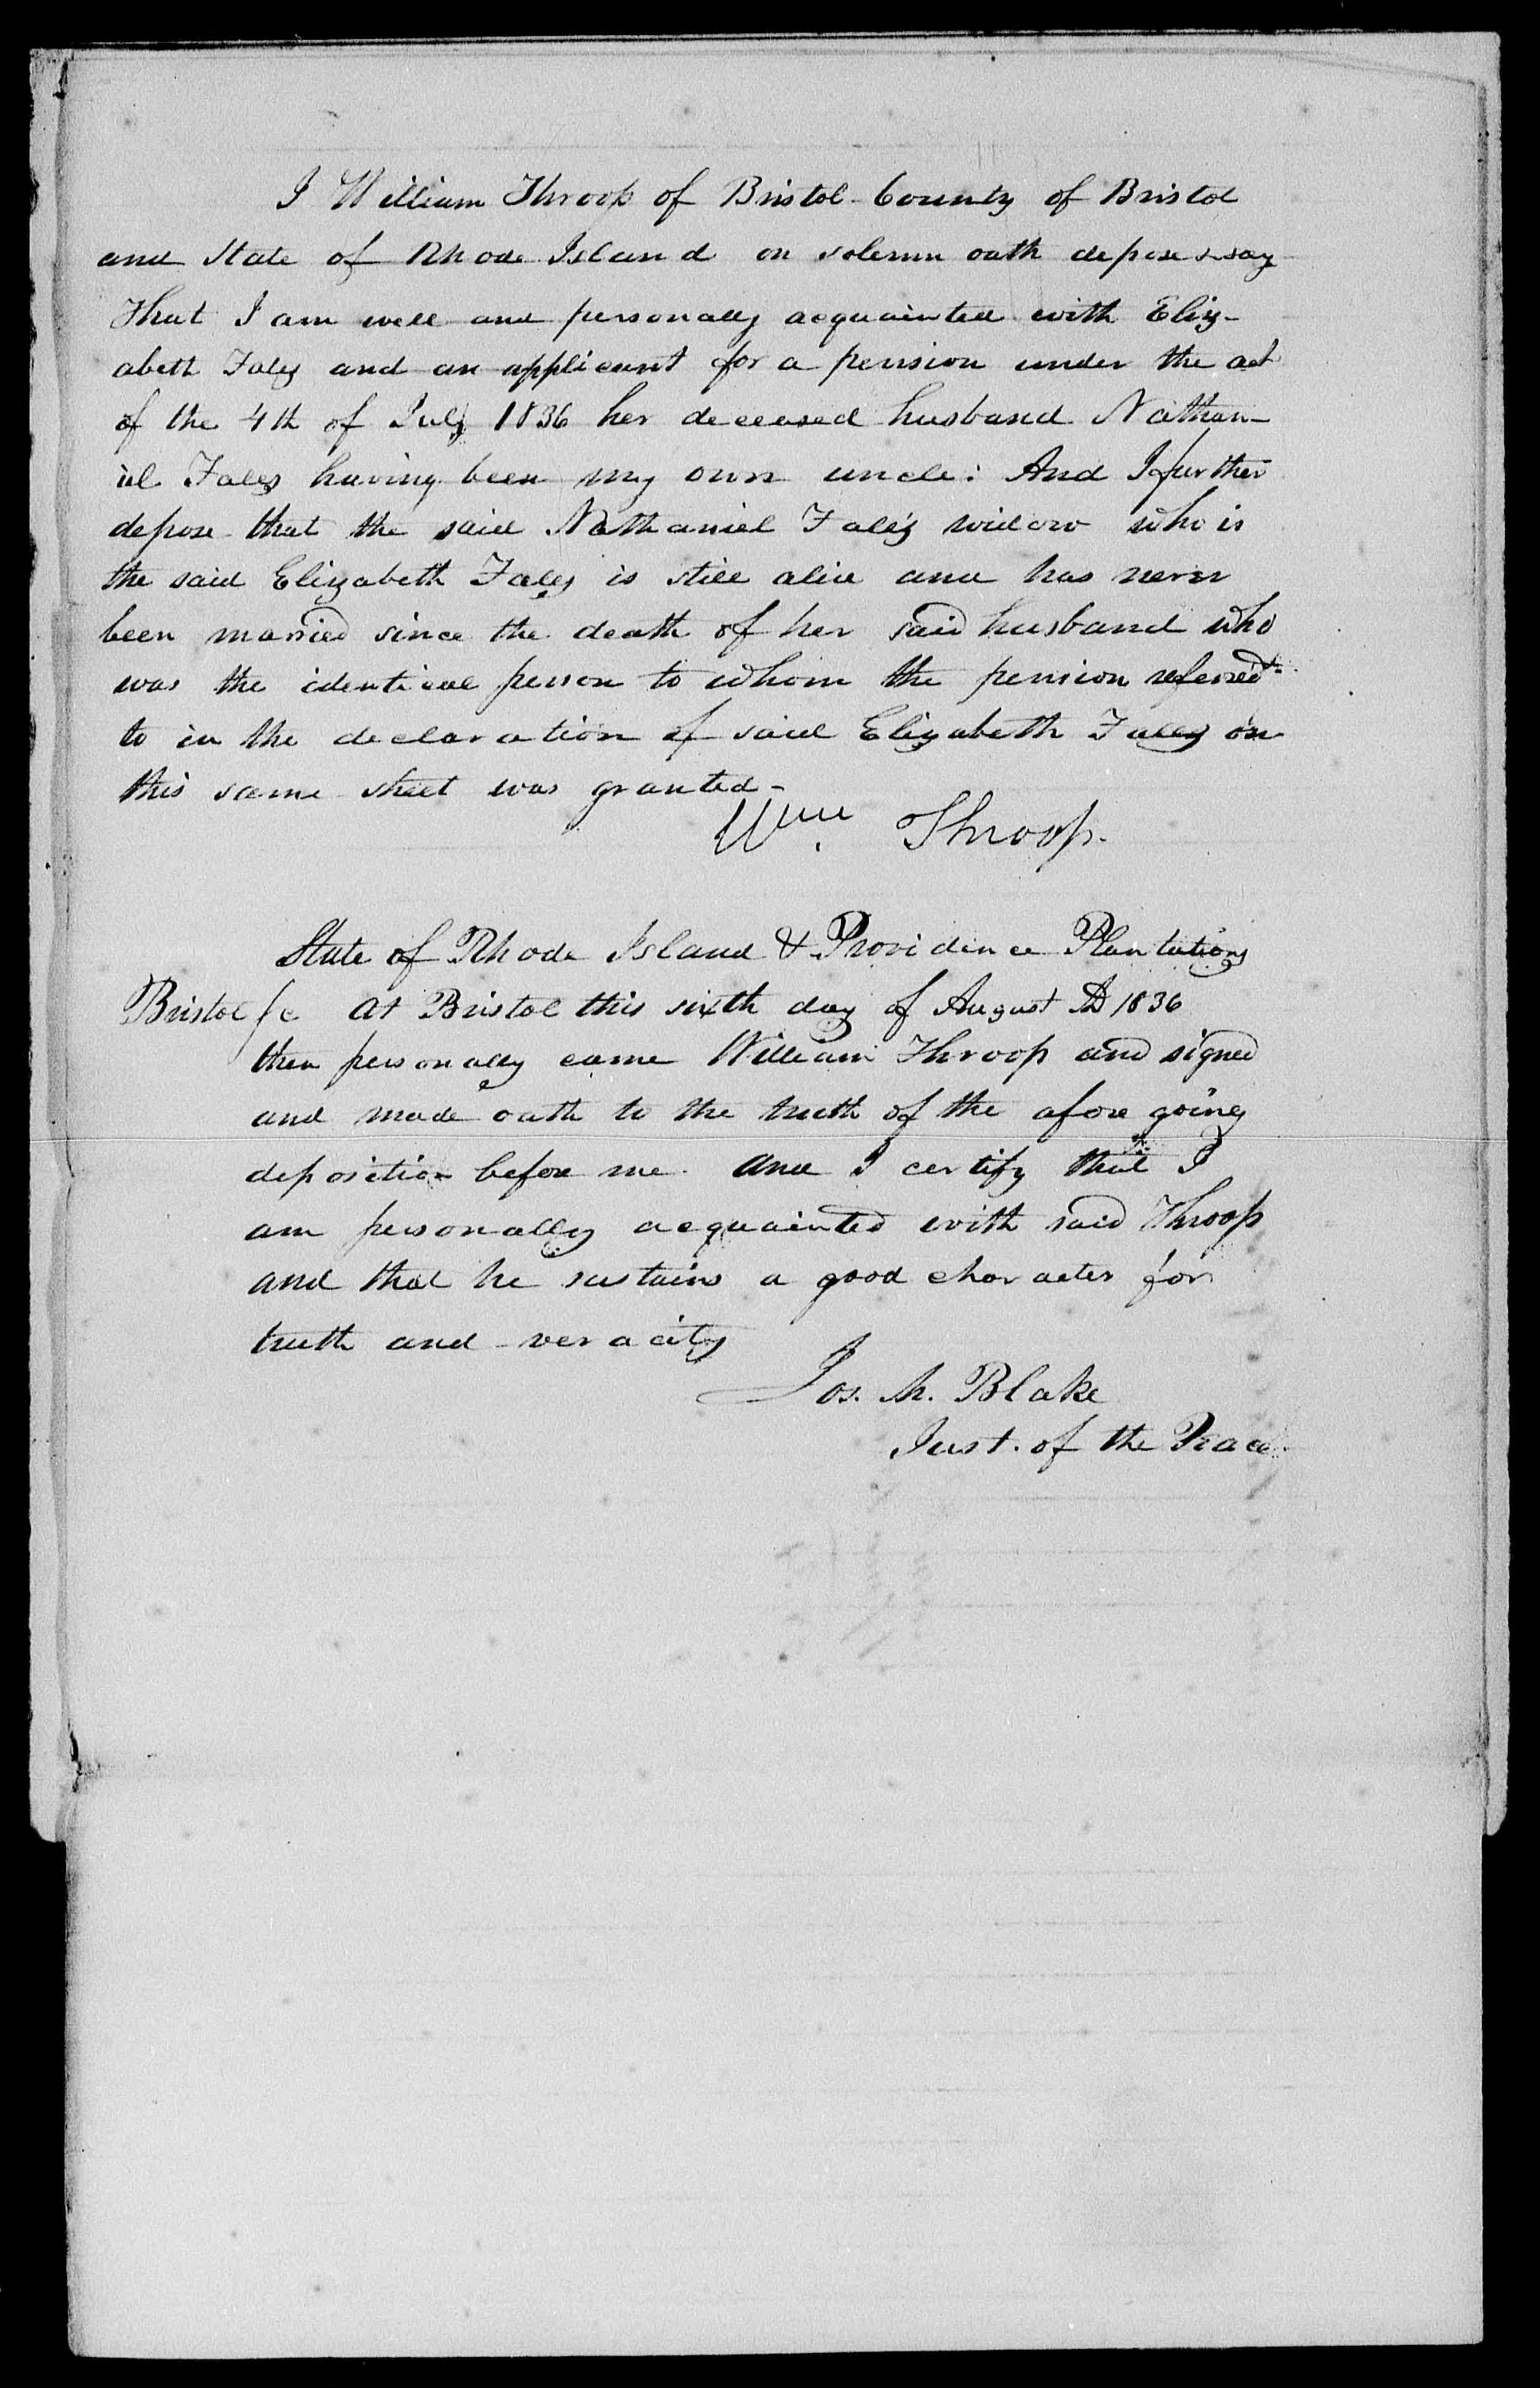I William Throop of Bristol County of Bristol and State of Rhode Island on solemn oath depose & say That I am well and personally acquainted with Elizabeth Fales and an applicant for a pension under the act of the 4th of July 1836 her deceased husband Nathaniel Fales having been my own uncle. And I further depose that the said Nathaniel Fales widow who is the said Elizabeth Fales is still alive and has never been married since the death of her said husband who was the identical person to whom the pension released to in the declaration of said Elizabeth Fales on this same sheet was granted. 
Wm. Throop

State of Rhode Island & Providence Plantations Bristol at Bristol this sixth day of August AD 1836 then personally came William Throop and signed and made oath to the truth of the afore going deposition before me and I certify that I am personally acquainted with said Throop and that he sustains a good character for truth and veracity. 
Jos. M. Blake
Just. of the peace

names: Elizabeth Fales, Elizabeth Fales, Throop, Nathaniel Fales, William Throop, Nathaniel Fales, William Throop, Elizabeth Fales, Jos M Blake, Wm Throop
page: 15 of 32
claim: widow's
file: W. 24,173, Nathaniel Fales, R.I.